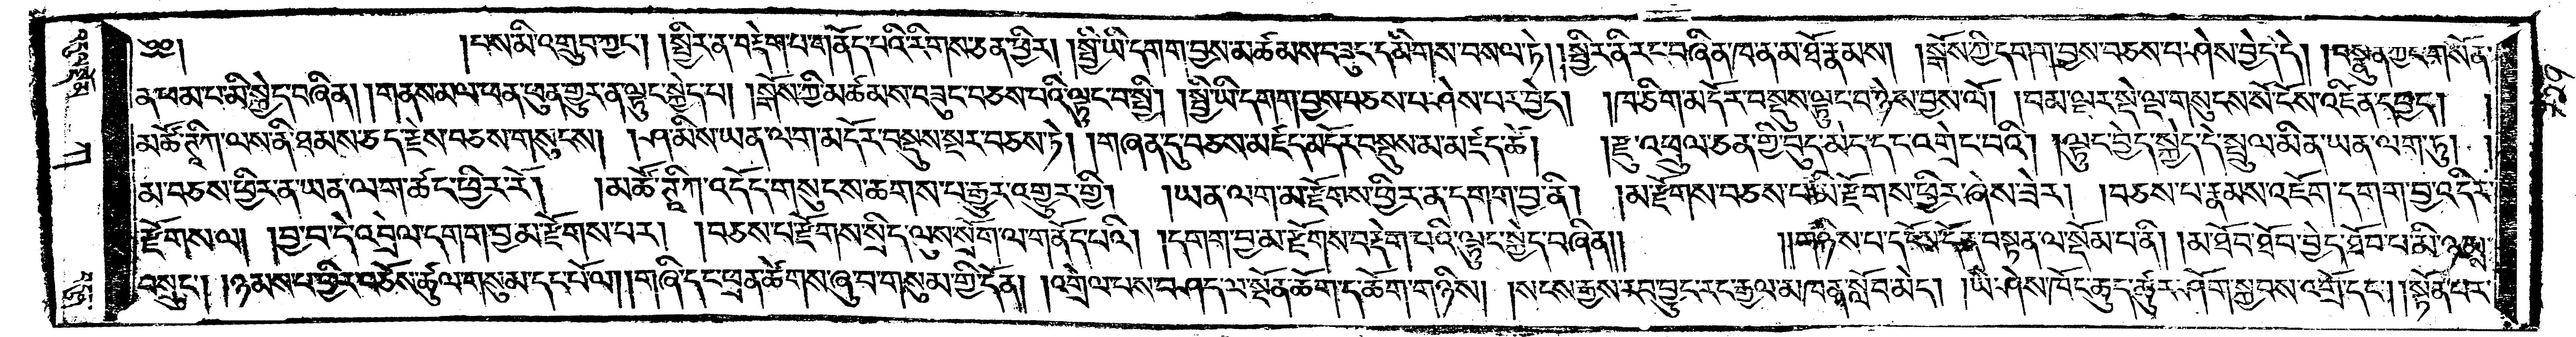༄༅། །པས་མི་འགྲུབ་ཀྱང་། །སྤྱིར་ན་བརྡེག་པ་གནོད་པའི་རིགས་ཅན་ཕྱིར། །སྤྱི་ཡི་དགག་བྱས་མཚམས་བཟུང་དམིགས་བསལ་ཏེ། །སྦྱིར་ནི་རང་བཞིན་ཁ་ན་མ་ཐོ་རྣམས། །སྒོས་ཀྱི་དགག་བྱས་བཅས་པ་ཤེས་བྱེད་དེ། །བསྣུན་ཀྱང་གསོན་
ན་ཕམ་པ་མི་སྐྱེད་བཞིན། །གནས་མལ་ཕན་ཕུན་གྱུར་ན་ལྟུང་སྐྱེད་པ། །སྒོས་ཀྱི་མཚམས་བཟུང་བཅས་པའི་ལྟུང་བ་སྤྱི། །སྦྱི་ཡི་དགག་བྱས་བཅས་པ་ཤེས་པར་བྱེད། །ཁ་ཅིག་མདོར་བསྡུས་ལྟུང་བ་ཉེས་བྱས་ལོ། །ཕམ་ལྔར་སྡེ་ལྔ་གསུངས་སོ་ངོས་འཛིན་དཔྱད། །
མཚོ་ཊཱིཀ་ལས་ནི་ཐམས་ཅད་རྗེས་བཅས་གསུངས། །ཤ་མིས་ཡན་ལག་མདོར་བསྡུས་སྔར་བཅས་ཏེ། །གཞན་དུ་བཅས་མཛད་མདོར་བསྡུས་མ་མཛད་ཚེ། །རྫུ་འཕྲུལ་ཅན་གྱི་བུད་མེད་དང་འགྲེང་བའི། །ལྟུང་བྱེད་སྐྱེད་དེ་སྤྲུལ་མིན་ཡན་ལག་ཏུ། །
མ་བཅས་ཕྱིར་ན་ཡན་ལག་ཚང་ཕྱིར་རོ། །མཚོ་ཊཱིཀ་འདོད་གསུངས་ཆགས་པ་རྒྱུར་འགྱུར་གྱི། །ཡན་ལག་མ་རྫོགས་ཕྱིར་ན་དགག་བྱ་ནི། །མ་རྫོགས་བཅས་པ་མི་རྫོགས་ཕྱིར་ཞེས་ཟེར། །བཅས་པ་རྣམས་འཇོག་དགག་བྱ་འདིར་
རྫོགས་ལ། །བྱ་བ་དེ་འབྲེལ་དགག་བྱ་མ་རྫོགས་པར། །བཅས་པ་རྫོགས་སྲིད་ལུས་སྲོག་ལ་གནོད་པའི། །དགག་བྱ་མ་རྫོགས་བརྡེག་པའི་ལྟུང་སྐྱེད་བཞིན།། །།གཉིས་པ་དངོས་དོན་བསྟན་ལ་སྡོམ་པ་ནི། །མ་ཐོབ་ཐོབ་བྱེད་ཐོབ་ཕ་མི་ཉམས་
བསྲུང་། །ཉམས་པ་ཕྱིར་བཅོས་ཚུལ་གསུམ་དང་པོ་ལ། །གཞི་དང་ཕྲན་ཚེགས་ཞུ་བ་གསུམ་གྱི་དོན། །འགྲེལ་པས་བཤད་ལ་སྔོན་ཆོག་ད་ཆོག་གཉིས། །སངས་རྒྱས་རབ་བྱུང་རང་རྒྱལ་མཁན་སློབ་མེད། །ཡེ་ཤེས་ཁོང་ཆུད་ཚུར་ཤོག་སྐྱབས་འགྲོ་དང་། །སྟོན་པར་